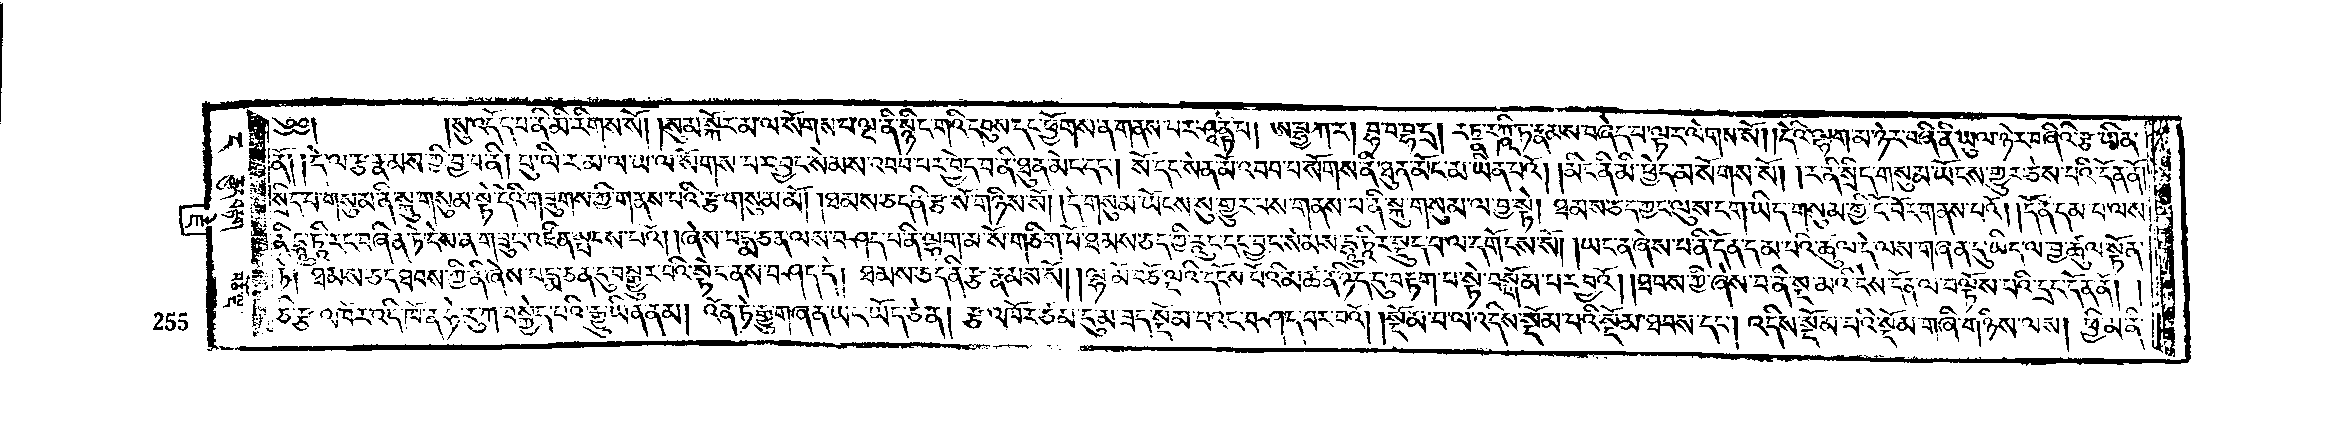༄༅། །སུ་འདོད་པ་ནི་མི་རིགས་སོ། །སུམ་སྐོར་མ་ལ་སོགས་པ་ལྔ་ནི་སྙིང་གའི་དབུས་དང་ཕྱོགས་ན་གནས་པར་ཤཱནྟི་པ། ཨ་བྷྱ་ཀ་ར། བྷ་བ་བྷ་དྲ། རཏྣ་རཀྵི་ཏ་རྣམས་བཞེད་པ་ལྟར་ལེགས་སོ། །དེའི་ལྷག་མ་ཉེར་བཞི་ནི་ཡུལ་ཉེར་བཞིའི་རྩ་ཡིན་
ནོ། །དེ་ལ་རྩ་རྣམས་ཀྱི་བྱ་བ་ནི། པུ་ལི་ར་མ་ལ་ཡ་ལ་སོགས་པར་བྱང་སེམས་འབབ་པར་བྱེད་པ་ནི་ཐུན་མེད་དང་། སོ་དང་སེན་མོ་འབབ་པ་སོགས་ནི་ཐུན་མོང་མ་ཡིན་པའོ། །མིང་ནི་མི་ཕྱེད་མ་སོགས་སོ། །ར་ནི་སྲིད་གསུམ་ཡོངས་གྱུར་ཅེས་པའི་དོན་ནོ།
སྲིད་པ་གསུམ་ནི་སྐུ་གསུམ་སྟེ་དེའི་གཟུགས་ཀྱི་གནས་པའི་རྩ་གསུམ་མོ། །ཐམས་ཅད་ནི་རྩ་སོ་གཉིས་སོ། །དེ་གསུམ་ཡོངས་སུ་གྱུར་པས་གནས་པ་ནི་སྐུ་གསུམ་ལ་བྱ་སྟེ། ཐམས་ཅད་ཀྱང་ལུས་ངག་ཡིད་གསུམ་གྱི་ངོ་བོར་གནས་པའོ། །དོན་དམ་པ་ལས་
ནི་དྷཱུ་ཏཱི་རང་བཞིན་ཏེ་དེས་ན་གཟུང་འཛིན་སྤངས་པའོ། །ཞེས་པདམ་ཅན་ལས་བཤད་པ་ནི་ལྷག་མ་སོ་གཅིག་པོ་ཐམས་ཅད་ཀྱི་རླུང་དང་བྱང་སེམས་དྷཱུ་ཏཱིར་སྡུད་པ་ལ་དགོངས་སོ། །ཡང་ན་ཞེས་པ་ནི་དོན་དམ་པའི་ཚུལ་དེ་ལས་གཞན་དུ་ཡིད་ལ་བྱ་ཚུལ་སྟོན་
ཏེ། ཐམས་ཅད་ཐབས་ཀྱི་ནི་ཞེས་པདམ་ཅན་དུ་བསྒྱུར་བའི་སྟེང་ནས་བཤད་དེ། ཐམས་ཅད་ནི་རྩ་རྣམས་སོ། །ལྷ་མོ་བཅོ་ལྔའི་དངོས་པོའི་མཚན་ཉིད་དུ་བརྟག་པ་སྟེ་བསྒོམ་པར་བྱའོ། །ཐབས་ཀྱི་ཞེས་པ་ནི་སྔ་མའི་ངེས་དོན་ལ་བལྟོས་པའི་དྲང་དོན་ནོ། །
ཅི་རྩ་འཁོར་འདི་ཁོ་ན་ཧེ་རུ་ཀ་བསྐྱེད་པའི་རྒྱུ་ཡིན་ནམ། འོན་ཏེ་རྒྱུ་གཞན་ཡང་ཡོད་ཅེ་ན། རྩ་འཁོར་ཙམ་དུ་མ་ཟད་སྡོམ་པའང་བཤད་པར་བའོ། །སྡོམ་པ་ལ་འདིས་སྡོམ་པའི་སྡོམ་ཐབས་དང་། འདིས་སྡོམ་པའི་སྡོམ་གཞི་གཉིས་ལས། ཕྱི་མ་ནི་